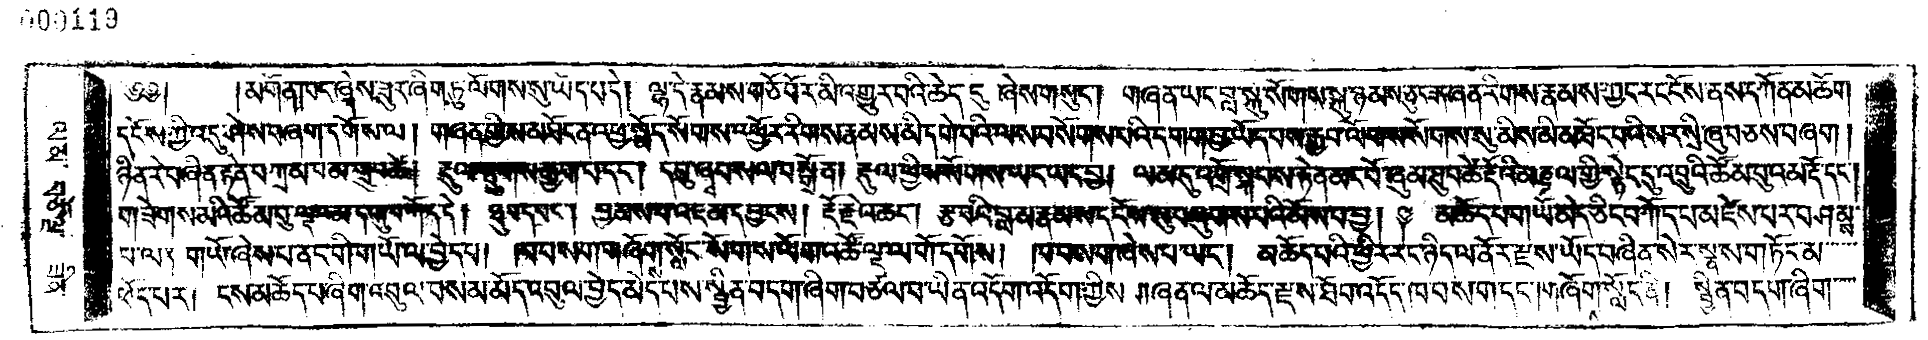༄༅། །མགོན་ཁང་ཞེས་ཟུར་ཞིག་ཏུ་ལོགས་སུ་ཡོད་པ་དེ། ལྷ་དེ་རྣམས་གཙོ་བོར་མི་འགྱུར་བའི་ཆེད་དུ་ཞེས་གསུང་། གཞན་ཡང་བླ་སྐུ་སོགས་སྐུ་ཉམས་ཅུང་ཟད་ཞན་རིགས་རྣམས་ཀྱང་རང་ངོས་ནས་དཀོན་མཆོག་
དངོས་ཀྱི་འདུ་ཤེས་བཞག་དགོས་ལ། གཞན་གྱིས་མཐོང་ན་འཕྱ་སྨོད་སོགས་འཕྱོར་རིགས་རྣམས་མི་དགེ་བའི་ལས་བསོགས་པའི་དགག་བྱ་ཡོད་པས་རྒྱབ་ལོགས་སོགས་སུ་མིས་མི་མཐོང་བའི་སར་སྲི་ཞུ་བཅས་བཞག །
ཉིན་རེ་བཞིན་རྟེན་བཀྲམ་པ་མ་གྲུབ་ཚེ། རྡུལ་སྤྲུགས་རྒྱག་པ་དང་། དབུ་གཟྭ་བསལ་བསྒྲོན། རྡུལ་ཕྱིས་སོགས་ཡང་ཡང་བྱ། ལམ་དུ་འགྲོ་སྐབས་རྟེན་མང་པོ་ཞུ་མ་ཐུབ་ཚེ་རྡོའི་མཎྜལ་གྱི་སྟེང་དུ་འབྲུའི་ཚོམ་བུའམ་རྡོ་དང་།
གཟེགས་མའི་ཚོམ་བུ་ལྔའམ་དགུ་བཀོད་དེ། ཐུབ་དབང་། བྱམས་པ་འཇམ་དབྱངས། རྡོ་རྗེ་འཆང་། རྩ་བའི་བླ་མ་རྣམས་དངོས་སུ་བཞུགས་པའི་མོས་པ་བྱ། ༈ མཆོད་པ་གཡོ་མེད་ཅིང་བཀོད་པ་མཛེས་པར་བཤམས་
པ་ལ། གཡོ་ཞེས་པ་ནང་གི་གཡོ་ལ་བྱེད་པ། ཁ་བསག་གཞོགས་སློང་སོགས་ལོག་འཚོ་ལྔ་ལ་གོ་དགོས། ཁ་བསག་ཞེས་པ་ཡང་། མཆོད་པའི་ཕྱིར་རང་ཉིད་ལ་ནོར་རྫས་ཡོད་བཞིན་སེར་སྣས་གཏོང་མ་
ཕོད་པར། ངས་མཆོད་པ་ཞིག་འབུལ་བསམ་མོད་འབུལ་བྱེད་མེད་པས་སྦྱིན་བདག་ཞིག་བཙལ་བ་ཡིན་འདོག་འདོག་ཀྱིས་གཞན་ལ་མཆོད་རྫས་ཐོབ་འདོད་ཁ་བསག་དང་། གཞོགས་སློང་ནི། སྦྱིན་བདག་ཞིག་